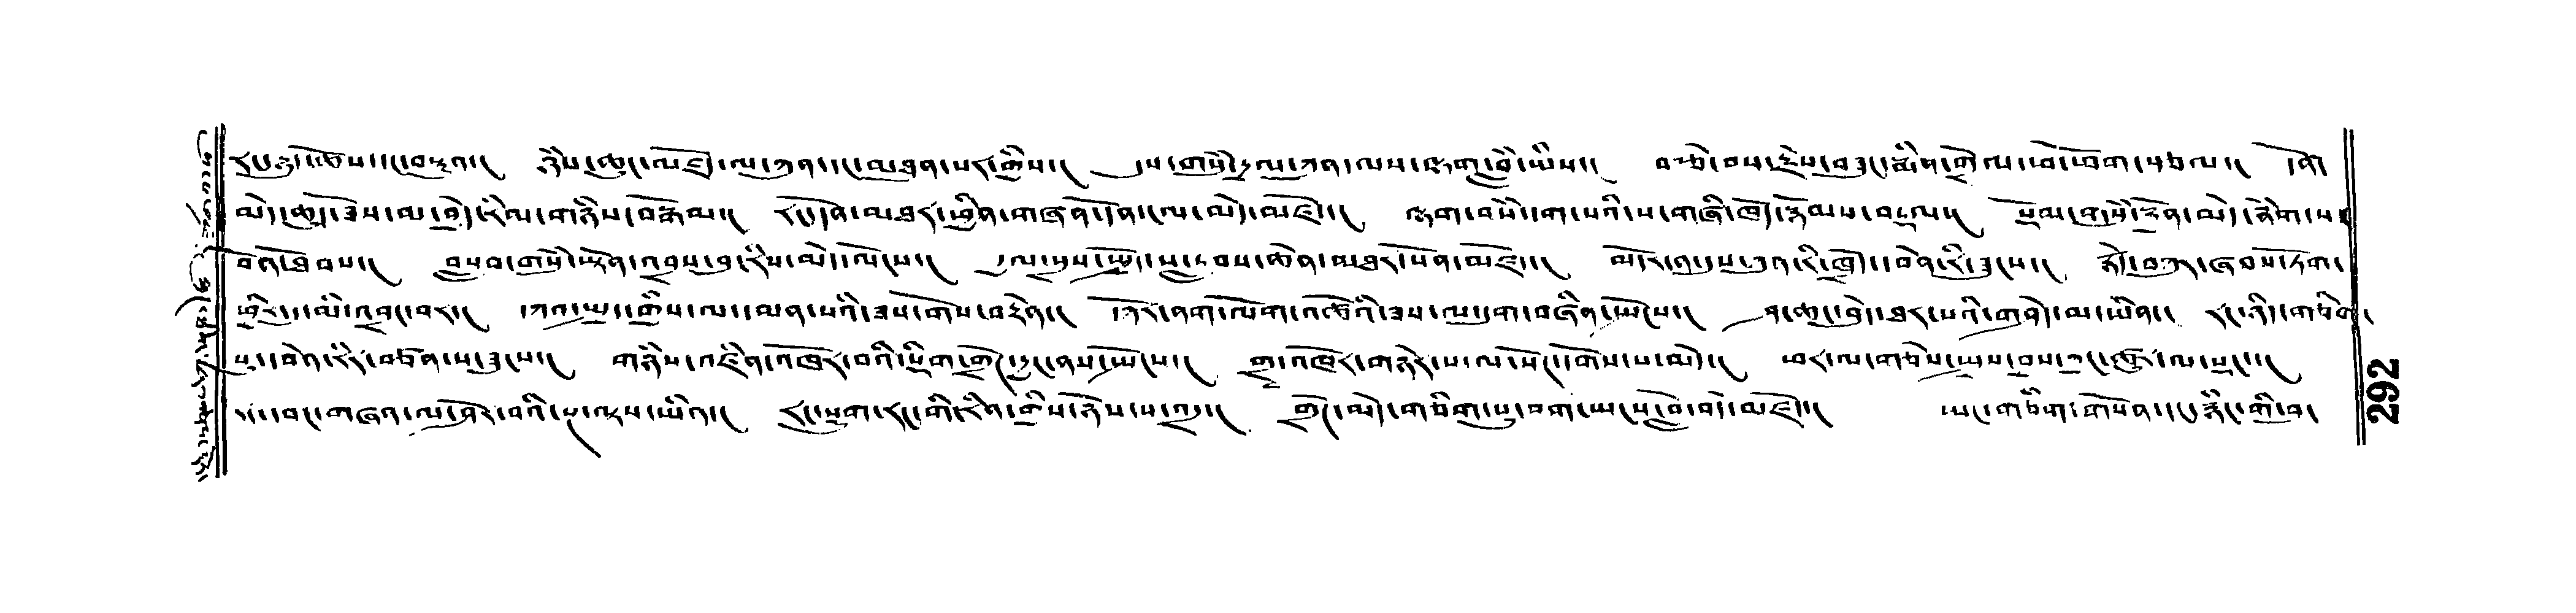རང་རྒྱུད་ཆོས་དང་བསྟུན། །ཉམས་ཆུང་མཛོད་ལ་ཀུན་དང་མཐུན་པར་གྱིས། །དུས་གསུམ་རྒྱལ་ཀུན་ལས་ལྷག་བླ་མ་ཡིས། །བརྩེ་བས་རྗེས་བཟུང་སྨིན་གྲོལ་ཕ་ཕོག་སྩལ། །དོན་
མེད་ཆུད་ཟོས་མ་བྱེད་རིམ་གཉིས་བསྒོམ། །རང་དོན་མཐར་ཕྱིན་གཞན་དོན་ངལ་མེད་མཛོད། །ལྷག་བསམ་དག་པའི་ས་གཞི་ཁོད་སྙོམས་བརྡལ། །སྡོམ་གསུམ་སྐྱོན་མེད་རྣམ་དག་ས་
བོན་ཐོབས། །བསླབ་གསུམ་ཡོན་ཏན་འབྲས་བུ་རིས་མེད་ལོངས། །རྒྱལ་སྲས་སྤྱོད་པ་རླབས་ཆེན་མཐར་སོན་མཛོད། །མདོར་ན་དུས་ཀུན་རི་ཁྲོད་དབེན་རི་ཟུངས། །རྙེད་བཀུར་ཞབས་ཏོག་
ཕྱིར་དུ་མི་འབྲང་བར། །དཀའ་སྤྱད་གྱིས་ལ་དམན་པའི་ཟས་གོས་བསྟེན། །དཀོར་ནག་ལོག་འཚོའི་ཟས་ལ་དུག་བཞིན་སྤོངས། །ཤ་ཆང་བུད་མེད་ཐར་པའི་གཤེད་མ་ཡིན། །རང་ཉིད་གཅིག་
པུ་དབེན་རིར་བཙན་ས་ཟུངས། །གཉིས་འཛིན་འཁོར་བའི་སྡིག་གྲོགས་རྒྱང་ནས་སྤོངས། །གྲྭ་འཁོར་གཉེར་པ་ལ་སོགས་དགོས་པ་མེད། །ཕར་ལ་གཅེས་སྤྲས་བྱས་ཀྱང་ཚུར་ལ་སྡང་། །
རང་དབང་གཞན་ལ་ཤོར་བའི་སྔ་ལྟས་ཡིན། །རང་སྡུག་རང་གི་རིན་གྱིས་ཉོས་པ་འདྲ། །གྲོགས་མེད་གཅིག་པུ་བག་ཡངས་བློ་བདེ་མཛོད། །ཡང་གཅིག་གསོན་དང་སྙིང་གི་བུ་